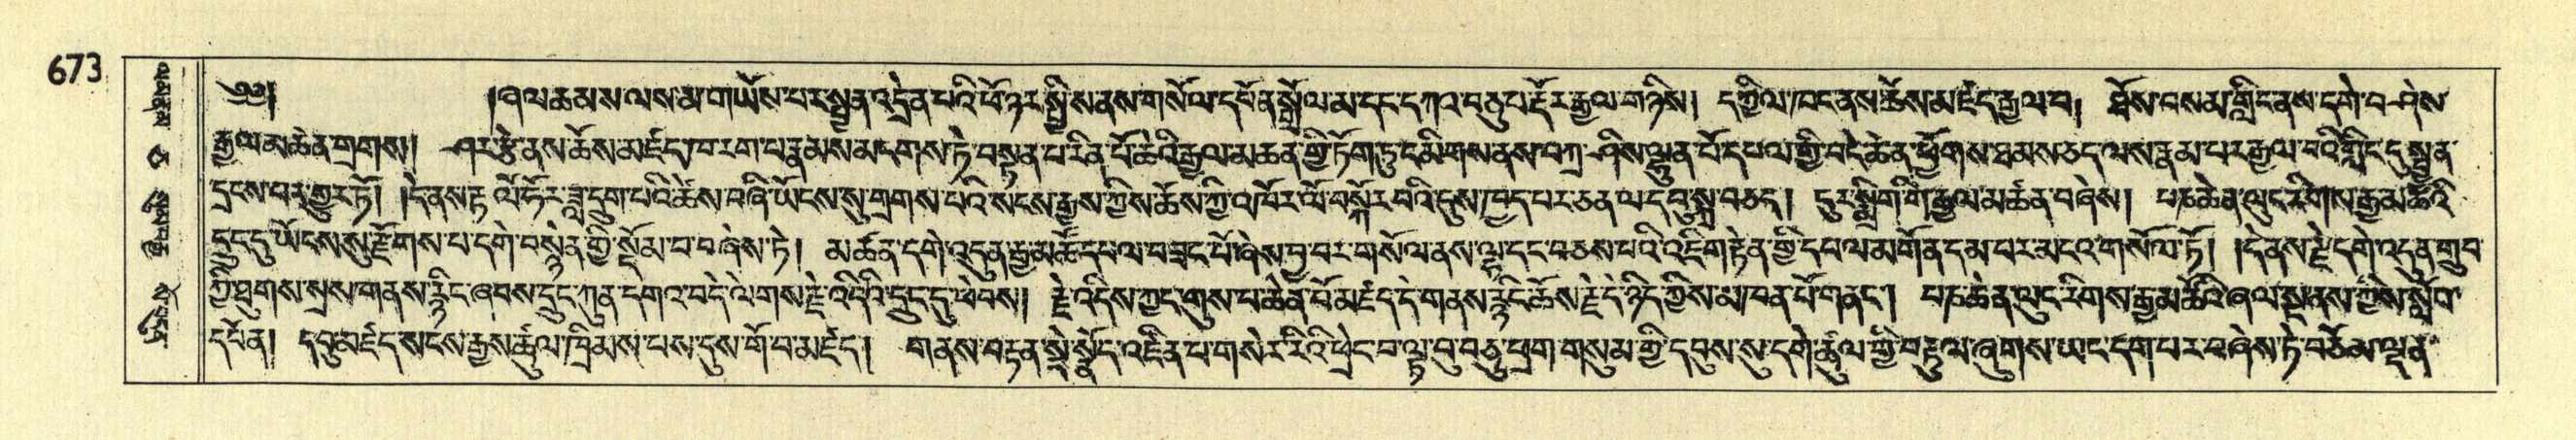༄༅། །ཞལ་ཆམས་ལས་མ་གཡོས་པར་སྤྱན་འདྲེན་པའི་ཕོ་ཉར་སྤྱིས་ནས་གསོལ་དཔོན་སྒྲོལ་མ་དང་དཀའ་བཅུ་པ་རྡོར་རྒྱལ་གཉིས། དཀྱིལ་ཁང་ནས་ཆོས་མཛད་རྒྱལ་བ། ཐོས་བསམ་གླིང་ནས་དགེ་བཤེས་
རྒྱལ་མཚན་གྲགས། ཤར་རྩེ་ནས་ཆོས་མཛད་ཁ་རག་པ་རྣམས་མངགས་ཏེ་བསྟན་པ་རིན་པོ་ཆེའི་རྒྱལ་མཚན་གྱི་ཏོག་ཏུ་དམིགས་ནས་བཀྲ་ཤིས་ལྷུན་པོ་དཔལ་གྱི་བདེ་ཆེན་ཕྱོགས་ཐམས་ཅད་ལས་རྣམ་པར་རྒྱལ་བའི་གླིང་དུ་སྤྱན་
དྲངས་པར་གྱུར་ཏོ། །དེ་ནས་རྟ་ལོ་ཧོར་ཟླ་དྲུག་པའི་ཚེས་བཞི་ཡོངས་སུ་གྲགས་པའི་སངས་རྒྱས་ཀྱིས་ཆོས་ཀྱི་འཁོར་ལོ་བསྐོར་བའི་དུས་ཁྱད་པར་ཅན་ལ་དབུ་སྐྲ་བཅད། དུར་སྨྲིག་གི་རྒྱལ་མཚན་བཞེས། པཎ་ཆེན་ལུང་རིགས་རྒྱ་མཚོའི་
དྲུང་དུ་ཡོངས་སུ་རྫོགས་པ་དགེ་བསྙེན་གྱི་སྡོམ་པ་བཞེས་ཏེ། མཚན་དགེ་འདུན་རྒྱ་མཚོ་དཔལ་བཟང་པོ་ཞེས་བྱ་བར་གསོལ་ནས་ལྷ་དང་བཅས་པའི་འཇིག་རྟེན་གྱི་དཔལ་མགོན་དམ་པར་མངའ་གསོལ་ཏོ། །དེ་ནས་རྫེ་དགེ་འདུན་གྲུབ་
ཀྱི་ཐུགས་སྲས་གནས་རྙིང་ཞབས་དྲུང་ཀུན་དགའ་བདེ་ལེགས་རྗེ་འདིའི་དྲུང་དུ་ཕེབས། རྗེ་འདིས་ཀྱང་གུས་པ་ཆེན་པོ་མཛད་དེ་གནས་རྙིང་ཆོས་རྗེ་དེ་ཉིད་ཀྱིས་མཁན་པོ་གནང་། པཎ་ཆེན་ལུང་རིགས་རྒྱ་མཚོའི་ཞལ་སྔ་ནས་ཀྱིས་སློབ་
དཔོན། དབུ་མཛད་སངས་རྒྱས་ཚུལ་ཁྲིམས་པས་དུས་གོ་བ་མཛད། གནས་བརྟན་སྡེ་སྣོད་འཛིན་པ་གསེར་རིའི་ཕྲེང་བ་ལྟ་བུ་བཅུ་ཕྲག་གསུམ་གྱི་དབུས་སུ་དགེ་ཚུལ་གྱི་བརྟུལ་ཞུགས་ཡང་དག་པར་བཞེས་ཏེ་བཅོམ་ལྡན་